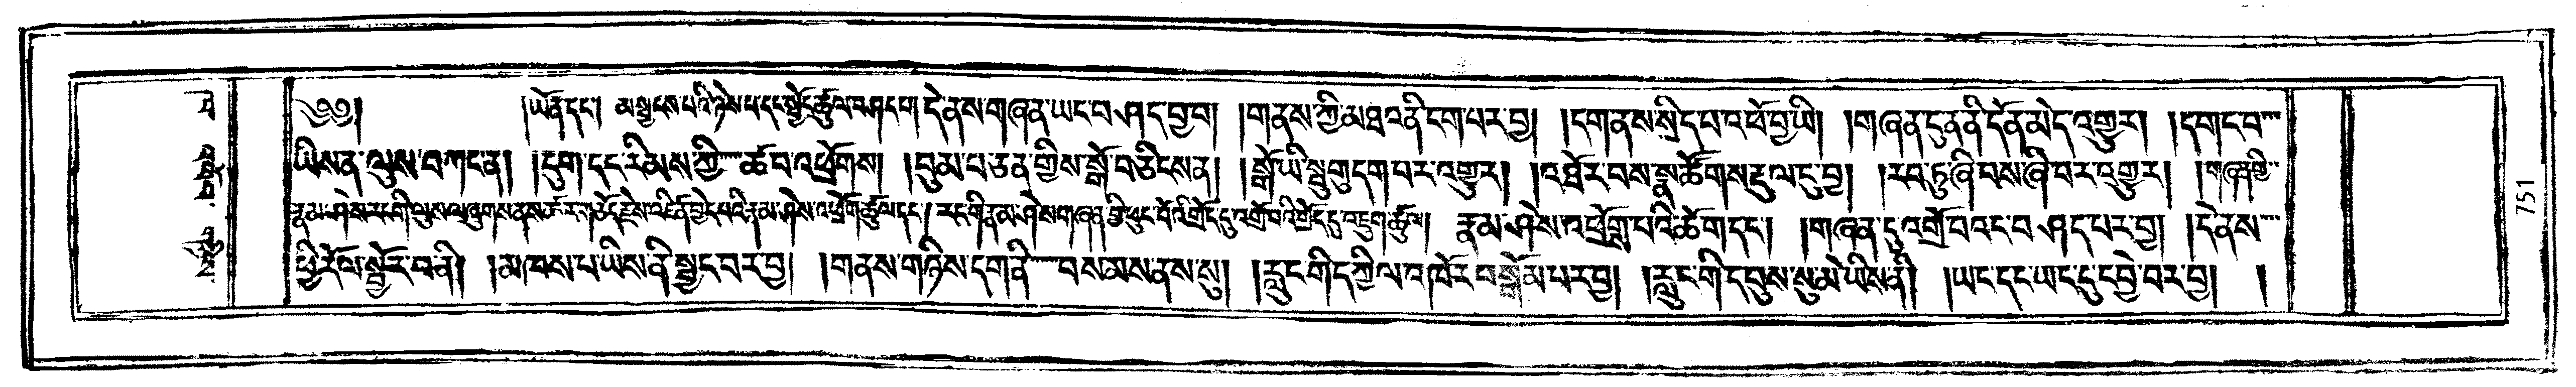༄༅། །ཡོན་དང་། མ་སྦྱངས་པའི་ཉེས་པ་དང་སྦྱོང་ཚུལ་བཤད་པ། དེ་ནས་གཞན་ཡང་བཤད་བྱ་བ། །གནས་ཀྱི་མཐའ་ནི་དག་པར་བྱ། །དག་ནས་སྲིད་པ་འཕོ་བྱ་ཡི། །གཞན་དུ་ན་ནི་དོན་མེད་འགྱུར། །དགང་བ་
ཡིས་ན་ལུས་བཀང་ན། །དུག་དང་རིམས་ཀྱི་ཚ་བ་འཕྲོགས། །བུམ་པ་ཅན་གྱིས་སྒོ་བཅིངས་ན། །སྒོ་ཡི་སྤུ་གུ་དག་པར་འགྱུར། །འཐོར་བས་སྣ་ཚོགས་རྡུལ་དུ་བྱ། །རབ་ཏུ་ཞི་བས་ཞི་བར་འགྱུར། །གཞན་གྱི་
རྣམ་ཤེས་རང་གི་ལུས་ལ་ཞུགས་ནས་ཚར་གཅོད་རྗེས་འཛིན་བྱེད་པའི་རྣམ་ཤེས་འཕྲོག་ཚུལ་དང་། རང་གི་རྣམ་ཤེས་གཞན་གྱི་ཕུང་པོའི་གྲོང་དུ་འགྲོ་བའི་གྲོང་དུ་འཇུག་ཚུལ། རྣམ་ཤེས་འཕྲོགས་པའི་ཆོ་ག་དང་། །གཞན་དུ་འགྲོ་བའང་བཤད་པར་བྱ། །དེ་ནས་
ཕྱི་རོལ་སྦྱོར་བ་ནི། །མཁས་པ་ཡིས་ནི་སྦྱང་བར་བྱ། །གནས་གཉིས་དག་ནི་བསམས་ནས་སུ། །རླུང་གི་དཀྱིལ་འཁོར་བསྒོམ་པར་བྱ། །རླུང་གི་དབུས་སུ་མེ་ཡིས་ནི། །ཡང་དང་ཡང་དུ་དབྱེ་བར་བྱ། །